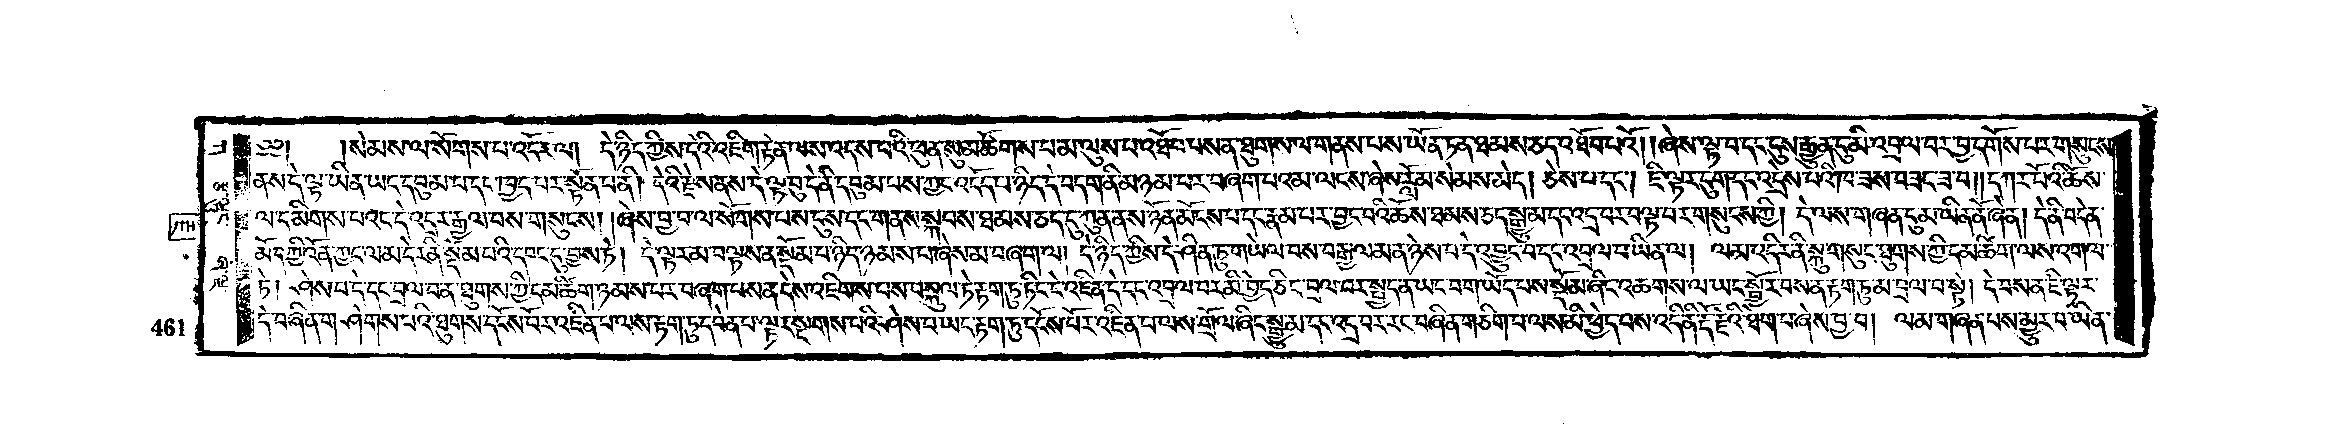༄༅། །སེམས་ལ་སོགས་པ་འདོར་ལ། དེ་ཉིད་ཀྱིས་དེའི་འཇིག་རྟེན་ལས་འདས་པའི་ཕུན་སུམ་ཚོགས་པ་མ་ལུས་པ་འཐོབ་པས་ན་ཐུགས་ལ་གནས་པས་ཡོན་ཏན་ཐམས་ཅད་འཐོབ་པའོ། །ཞེས་ལྟ་བ་དང་དུས་རྒྱུན་དུ་མི་འབྲལ་བར་བྱ་དགོས་པར་གསུངས་
ནས་དེ་ལྟ་ཡིན་ཡང་དབུ་མ་པ་དང་ཁྱད་པར་སྟོན་པ་ནི། དེའི་རྗེས་ནས་དེ་ལྟ་བུ་དེ་ནི་དབུ་མ་པས་ཀྱང་འདོད་པ་ཉིད་དེ་བདག་ནི་མཉམ་པར་བཞག་པའམ་ལངས་ཞེས་རློམ་སེམས་མེད། ཅེས་པ་དང་། ཇི་ལྟར་དུག་དང་འདྲེས་པའི་ཁ་ཟས་བཟང་ཟ་བ། །དཀར་པོའི་ཆོས་
ལ་དམིགས་པའང་དེ་འདྲར་རྒྱལ་བས་གསུངས། །ཞེས་བྱ་བ་ལ་སོགས་པས་དུས་དང་གནས་སྐབས་ཐམས་ཅད་དུ་ཀུན་ནས་ཉོན་མོངས་པ་དང་རྣམ་པར་བྱང་བའི་ཆོས་ཐམས་ཅད་སྒྱུ་མ་དང་འདྲ་བར་བལྟ་བར་གསུངས་ཀྱི། དེ་ལས་གཞན་དུ་མ་ཡིན་ནོ་ཞེ་ན། དེ་ནི་བདེན་
མོད་ཀྱི་འོན་ཀྱང་ལམ་དེར་ནི་སྡོམ་པའི་དབང་དུ་བྱས་ཏེ། དེ་ལྟར་མ་བལྟས་ན་སྡོམ་པ་ཉིད་ཉམས་པ་ཞེས་མ་བཞག་ལ། དེ་ཉིད་ཀྱིས་དེ་ཤིན་ཏུ་གཡེལ་བས་བརྒྱ་ལམ་ན་ཉེས་པ་དེ་འབྱུང་བ་དང་འབྲལ་བ་ཡིན་ལ། ལམ་འདིར་ནི་སྐུ་གསུང་ཐུགས་ཀྱི་དམ་ཚིག་ལས་འགལ་
ཏེ། ཤེས་པ་དེ་དང་བྲལ་བ་ན་ཐུགས་ཀྱི་དམ་ཚིག་ཉམས་པར་བཞག་པས་ན་དེས་འཇིགས་པས་བསྐུལ་ཏེ་རྟག་ཏུ་ཏིང་ངེ་འཛིན་དེ་དང་འབྲལ་བར་མི་བྱེད་ཅིང་བྲལ་བར་སྤྱད་ན་ཡང་བག་ཡོད་པས་སྡོམ་ཞིང་འཆགས་ལ་ཡང་སྦྱོར་བས་ན་རྟག་ཏུ་མ་བྲལ་བ་སྟེ། དེ་བས་ན་ཇི་ལྟར་
དེ་བཞིན་གཤེགས་པའི་ཐུགས་དངོས་པོར་འཛིན་པ་ལས་རྟག་ཏུ་དབེན་པ་ལྟར་སྔགས་པའི་ཤེས་པ་ཡང་རྟག་ཏུ་དངོས་པོར་འཛིན་པ་ལས་གྲོལ་ཞིང་སྒྱུ་མ་དང་འདྲ་བར་རང་བཞིན་གཅིག་པ་ལས་མི་ཕྱེད་བས་འདི་ནི་རྡོ་རྗེའི་ཐེག་པ་ཞེས་བྱ་བ། ལམ་གཞན་པས་མྱུར་བ་ཡིན་